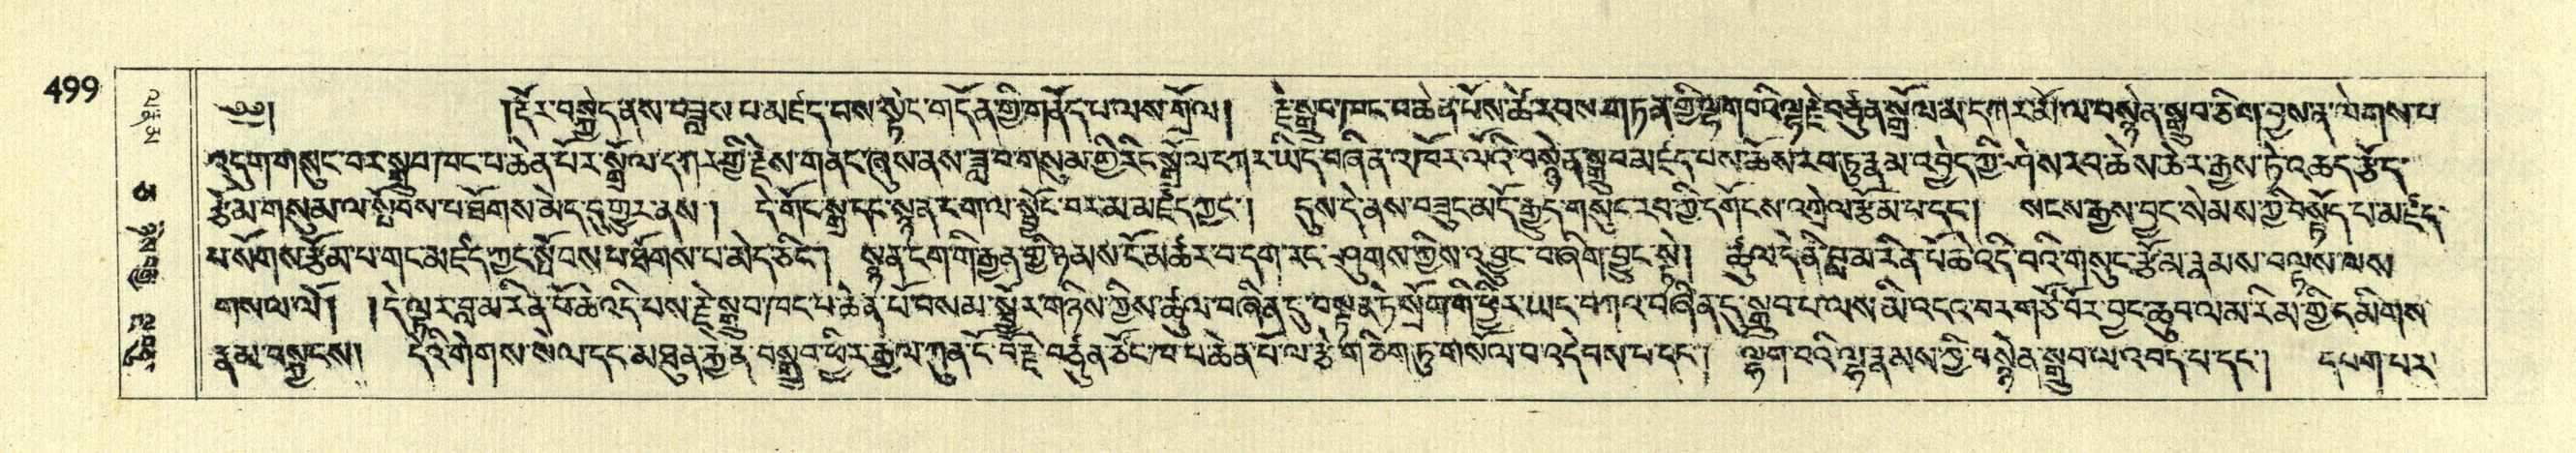༄༅། །རྡོར་བསྐྱེད་ནས་བཟླས་པ་མཛད་པས་སྟེང་གདོན་གྱི་གནོད་པ་ལས་གྲོལ། རྗེ་སྒྲུབ་ཁང་བ་ཆེན་པོས་ཚེ་རབས་གཏན་གྱི་ལྷག་བའི་ལྷ་རྗེ་བཙུན་སྒྲོལ་མ་དཀར་མོ་ལ་བསྙེན་སྒྲུབ་ཅིག་བྱས་ན་ལེགས་པ་
འདུག་གསུང་བར་སྒྲུབ་ཁང་པ་ཆེན་པོར་སྒྲོལ་དཀར་གྱི་རྗེས་གནང་ཞུས་ནས་ཟླ་བ་གསུམ་གྱི་རིང་སྒྲོལ་དཀར་ཡིད་བཞིན་འཁོར་ལོའི་བསྙེན་སྒྲུབ་མཛད་པས་ཆོས་རབ་ཏུ་རྣམ་འབྱེད་ཀྱི་ཤེས་རབ་ཆེས་ཆེར་རྒྱས་ཏེ་འཆད་རྩོད་
རྩོམ་གསུམ་ལ་སྤོབས་པ་ཐོགས་མེད་དུ་གྱུར་ནས། དེ་གོང་སྒྲ་དང་སྙན་ངག་ལ་སྦྱོང་བར་མ་མཛད་ཀྱང་། དུས་དེ་ནས་བཟུང་མདོ་རྒྱུད་གསུང་རབ་ཀྱི་དགོངས་འགྲེལ་རྩོམ་པ་དང་། སངས་རྒྱས་བྱང་སེམས་ཀྱི་བསྟོད་པ་མཛད་
པ་སོགས་རྩོམ་པ་གང་མཛད་ཀྱང་སྤོབས་པ་ཐོགས་པ་མེད་ཅིང་། སྙན་ངག་གི་རྒྱན་གྱི་ཉམས་ངོ་མཚར་བ་དག་རང་ཤུགས་ཀྱིས་འབྱུང་བ་ཞིག་བྱུང་སྟེ། ཚུལ་དེ་ནི་བླ་མ་རིན་པོ་ཆེ་འདི་བའི་གསུང་རྩོམ་རྣམས་བལྟས་ལས་
གསལ་ལོ། །དེ་ལྟར་བླ་མ་རིན་པོ་ཆེ་འདི་པས་རྗེ་སྒྲུབ་ཁང་པ་ཆེན་པོ་བསམ་སྦྱོར་གཉིས་ཀྱིས་ཚུལ་བཞིན་དུ་བསྟན་ཏེ་སྲོག་གི་ཕྱིར་ཡང་བཀའ་བཞིན་དུ་སྒྲུབ་པ་ལས་མི་འདའ་བར་གཙོ་བོར་བྱང་ཆུབ་ལམ་རིམ་གྱི་དམིགས་
རྣམ་བསྐྱངས། དེའི་གེགས་སེལ་དང་མཐུན་རྐྱེན་བསྒྲུབ་ཕྱིར་རྒྱལ་ཀུན་ངོ་བོ་རྗེ་བཙུན་ཙོང་ཁ་པ་ཆེན་པོ་ལ་རྩེ་གཅིག་ཏུ་གསོལ་བ་འདེབས་པ་དང་། ལྷག་བའི་ལྷ་རྣམས་ཀྱི་བསྙེན་སྒྲུབ་ལ་འབད་པ་དང་། དཔག་པར་